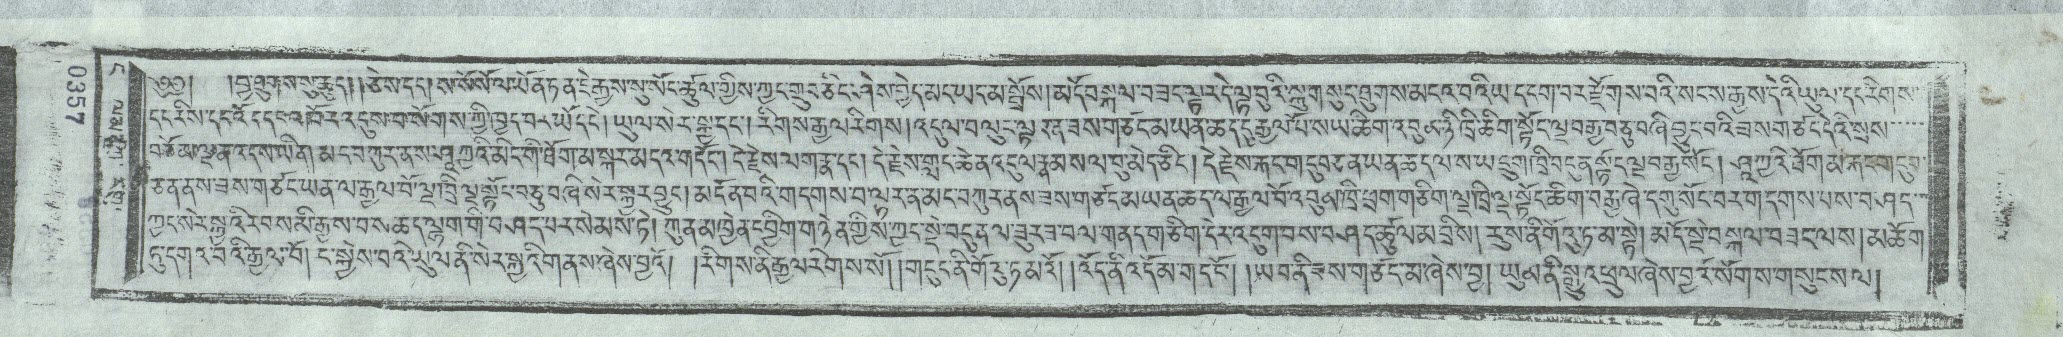༄༅། །བྱ་ཐུགས་སུ་ཆུད། །ཅེས་དང་། ས་སོ་སོ་ལ་ཡོན་ཏན་ཇེ་རྒྱས་སུ་སོང་ཚུལ་གྱིས་ཀྱང་གྲུང་ཅིང་ཤེས་བྱེད་མང་ཡང་མ་སྦྲོས་མདོ་བསྐལ་བཟང་ལྟར་དེ་ལྟ་བུའི་སྐུ་གསུང་ཐུགས་མངའ་བའི་ཡང་དག་བར་རྫོགས་བའི་སངས་རྒྱས་དེའི་ཡུལ་དང་རིགས་
དང་རིས་དང་འོད་དབ་འཁོར་འདུས་བ་སོགས་ཀྱི་ཁྱད་བར་ཡོད་དེ། ཡུལ་སེར་སྐྱ་དང་། རིགས་རྒྱལ་རིགས། འདུལ་བ་ལུང་ལྟར་ན་ཟས་གཙང་མ་ཡན་ཆད་དུ་རྒྱལ་པོ་ས་ཡ་ཆིག་འབུམ་ཉི་ཁྲི་ཆིག་སྟོང་ལྔ་བརྒྱ་བཅུ་བཞི་བྱུང་བའི་ཟས་གཙང་དེའི་སྲས་
བཅོམ་ལྡན་འདས་ཡིན། མང་བ་ཀུར་ནས་ཤཱཀྱའི་མིང་གི་ཐོག་མ་སྐར་མདའ་གདོང་། དེ་རྗེས་ལག་རྣ་དང་། དེ་རྗེས་གླང་ཆེན་འདུལ་རྣམས་ལ་བུ་མེད་ཅིང་། དེ་རྗེས་རྐང་གདུབ་ཅན་ཡན་ཆད་ལ་ས་ཡ་དྲུག་ཁྲི་བདུན་སྟང་ལྔ་བརྒྱ་སོང་། ཤཱཀྱའི་ཐོག་མ་རྐང་གདུབ་
ཅན་ནས་ཟས་གཙང་ཡན་ལ་རྒྱལ་བོ་ལྔ་ཁྲི་ལྔ་སྟོང་པ་བཅུ་བཞི་སེར་སྐྱར་བྱུང་། མདོན་བའི་གདགས་བ་ལྟར་ན་མང་བཀུར་ནས་ཟས་གཙང་མ་ཡན་ཆད་ལ་རྒྱལ་བོ་འབུམ་ཁྲི་ཕྲག་གཅིག་ལྔ་ཁྲི་ལྔ་སྟོང་ཆིག་བརྒྱ་ཞེ་དགུ་སོང་བར་གདགས་པས་བཤད་
ཀྱང་སེར་སྐྱའི་རབས་མི་རྒྱས་བ་ས་ཆད་ལྷག་གི་བཤད་པར་སེམས་ཏེ། ཀུན་མཁྱེན་དབྱིག་གཉེན་གྱིས་ཀྱང་སྡེ་བདུན་ལ་ཟུར་བ་ལ་གནད་གཅིག་དེར་འདུག་བས་བཤད་ཚུལ་མ་བྲིས། རུས་ནི་གོའུ་ཏ་མ་སྟེ། མདོ་སྔེ་བསྐལ་བཟང་ལས། མཆོག་
ཏུ་དགའ་བའི་རྒྱལ་བོ། ང་སྐྱེས་བའི་ཡུལ་ནི་སེར་སྐྱའི་གནས་ཞེས་བྱའོ། །རིགས་ནི་རྒྱལ་རིགས་སོ། །གདུང་ནི་གོའུ་ཏ་མའོ། །འོད་ནི་འདོ་མ་གང་ངོ། །ཡབ་ནི་ངས་གཙང་མ་ཞེས་བྱ། ཡུམ་ནི་སྒྱུ་འཕྲུལ་ཞེས་བྱའོ་སོགས་གསུངས་ལ།